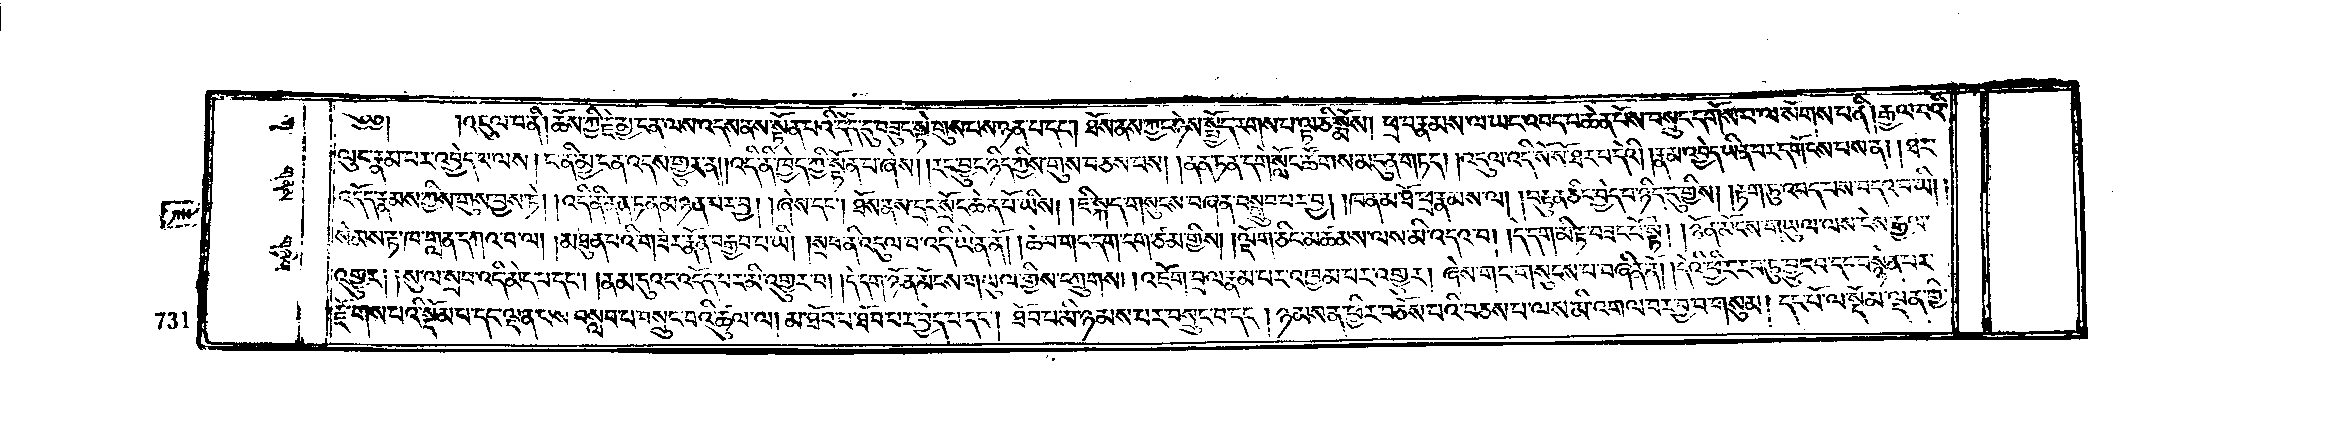༄༅། །འདུལ་བ་ནི། ཆོས་ཀྱི་རྗེ་མྱ་ངན་ལས་འདས་ནས་སྟོན་པའི་དོད་དུ་བཟུང་སྟེ་གུས་པས་ཉན་པ་དང་། ཐོས་ནས་ཀྱང་ཉེས་སྤྱོད་རགས་པ་ལྟ་ཅི་སྨོས། ཕྲ་བ་རྣམས་ལ་ཡང་འབད་པ་ཆེན་པོས་བསྲུང་དགོས་པ་ལ་སོགས་པ་ནི། རྒྱལ་བའི་
ལུང་རྣམ་པར་འབྱེད་པ་ལས། ང་ནི་མྱ་ངན་འདས་གྱུར་ན། །འདི་ནི་ཁྱེད་ཀྱི་སྟོན་པ་ཞེས། །རང་བྱུང་ཉིད་ཀྱིས་གུས་བཅས་པས། །ནན་ཏན་དགེ་སློང་ཚོགས་མདུན་གཏད། །འདུལ་འདི་སོ་སོ་ཐར་པ་དེའི། །རྣམ་འབྱེད་ཡིན་པར་དགོངས་པས་ན། །ཐར་
འདོད་རྣམས་ཀྱིས་གུས་བྱས་ཏེ། །འདི་ནི་ནན་ཏན་མཉན་པར་བྱ། །ཞེས་དང་། ཐོས་ནས་དྲང་སྲོང་ཆེན་པོ་ཡིས། །ཇི་སྐད་གསུངས་བཞན་བསྒྲུབ་པར་བྱ། །ཁ་ན་མ་ཐོ་ཕྲ་རྣམས་ལ། །བརྟུན་ཅིང་བྱེད་པ་ཉིད་དུ་གྱིས། །རྟག་ཏུ་འབད་པས་བདའ་བ་ཡི། །
སེམས་རྟ་ཁ་གླན་དཀའ་བ་ལ། །མཐུན་པའི་གཟེར་རྣོན་བརྒྱབ་པ་ཡི། །སྲབ་ནི་འདུལ་བ་འདི་ཡིན་ནོ། །ཆེ་བ་གང་དག་ངག་ཙམ་གྱིས། །ལྡོག་ཅིང་མཚམས་ལས་མི་འདའ་བ། །དེ་དག་མི་རྟ་བཟང་པོ་སྟེ། །ཉོན་མོངས་གཡུལ་ལས་ངེས་རྒྱལ་
འགྱུར༑ ༑སུ་ལ་སྲབ་འདི་མེད་པ་དང་། །ནམ་དུའང་འདོད་པར་མི་འགྱུར་བ། །དེ་དག་ཉོན་མོངས་གཡུལ་གྱིས་དཀྲུགས། །འཇོག་བྲལ་རྣམ་པར་འཁྱམ་པར་འགྱུར། ཞེས་གང་གསུངས་པ་བཞིན་ནོ། །དེའི་ཕྱིར་རབ་ཏུ་བྱུང་བ་དང་བསྙེན་པར་
རྫོགས་པའི་སྡོམ་པ་དང་ལྡན་པས་བསླབ་པ་བསྲུང་བའི་ཚུལ་ལ། མ་ཐོབ་པ་ཐོབ་པར་བྱེད་པ་དང་། ཐོབ་པ་མི་ཉམས་པར་བསྲུང་བ་དང་། ཉམས་ན་ཕྱིར་བཅོས་པའི་བཅས་པ་ལས་མི་འགལ་བར་བྱ་བ་གསུམ། དང་པོ་ལ་སྡོམ་ལྡན་གྱི་